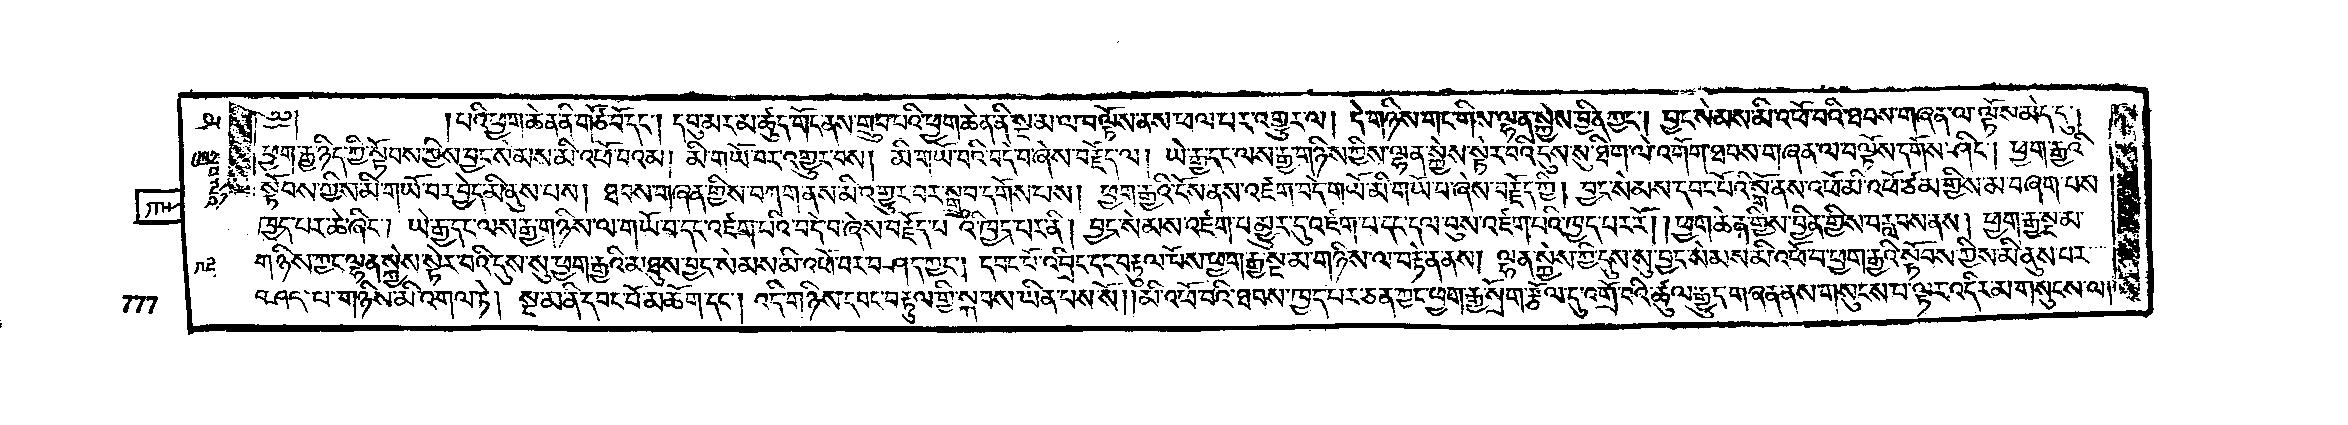༄༅། །པའི་ཕྱག་ཆེན་ནི་གཙོ་བོ་དང་། དབུ་མར་མ་ཚུད་གོང་ནས་གྲུབ་པའི་ཕྱག་ཆེན་ནི་སྔ་མ་ལ་བལྟོས་ནས་ཕལ་པར་འགྱུར་ལ། དེ་གཉིས་གང་གིས་ལྷན་སྐྱེས་བྱིན་ཀྱང་། བྱང་སེམས་མི་འཕོ་བའི་ཐབས་གཞན་ལ་ལྟོས་མེད་དུ།
ཕྱག་རྒྱ་ཉིད་ཀྱི་སྟོབས་ཀྱིས་བྱང་སེམས་མི་འཕོ་བའམ། མི་གཡོ་བར་འགྱུར་བས། མི་གཡོ་བའི་བདེ་བ་ཞེས་བརྗོད་ལ། ཡེ་རྒྱ་དང་ལས་རྒྱ་གཉིས་ཀྱིས་ལྷན་སྐྱེས་སྟེར་བའི་དུས་སུ་ཐིག་ལེ་འགོག་ཐབས་གཞན་ལ་བལྟོས་དགོས་ཤིང་། ཕྱག་རྒྱའི་
སྟོབས་ཀྱིས་མི་གཡོ་བར་བྱེད་མི་ནུས་པས། ཐབས་གཞན་གྱིས་བཀག་ནས་མི་འགྱུར་བར་སྒྲུབ་དགོས་པས། ཕྱག་རྒྱའི་ངོས་ནས་འཛག་བདེ་གཡོ་མི་གཡོ་བ་ཞེས་བརྗོད་ཀྱི། བྱང་སེམས་དབང་པོའི་སྒོ་ནས་འཕོ་མི་འཕོ་ཙམ་གྱིས་མ་བཞག་པས་
ཁྱད་པར་ཆེ་ཞིང་། ཡེ་རྒྱ་དང་ལས་རྒྱ་གཉིས་ལ་གཡོ་བ་དང་འཛག་པའི་བདེ་བ་ཞེས་བརྗོད་པའི་ཁྱད་པར་ནི། བྱང་སེམས་འཛག་པ་མྱུར་དུ་འཛག་པ་དང་དལ་བུས་འཛག་པའི་ཁྱད་པར་རོ། །ཕྱག་ཆེན་གྱིས་བྱིན་གྱིས་བརླབས་ནས། ཕྱག་རྒྱ་སྔ་མ་
གཉིས་ཀྱང་ལྷན་སྐྱེས་སྟེར་བའི་དུས་སུ་ཕྱག་རྒྱའི་མཐུས་བྱང་སེམས་མི་འཕོ་བར་བཤད་ཀྱང་། དབང་པོ་འབྲིང་དང་བརྟུལ་པོས་ཕྱག་རྒྱ་སྔ་མ་གཉིས་ལ་བརྟེན་ནས། ལྷན་སྐྱེས་ཀྱི་དུས་སུ་བྱང་སེམས་མི་འཕོ་བ་ཕྱག་རྒྱའི་སྟོབས་ཀྱིས་མི་ནུས་པར་
བཤད་པ་གཉིས་མི་འགལ་ཏེ། སྔ་མ་ནི་དབང་པོ་མཆོག་དང་། འདི་གཉིས་དབང་བརྟུལ་གྱི་སྐབས་ཡིན་པས་སོ། །མི་འཕོ་བའི་ཐབས་ཁྱད་པར་ཅན་ཀྱང་ཕྱག་རྒྱ་སྲོག་རྩོལ་དུ་འགྲོ་བའི་ཚུལ་རྒྱུད་གཞན་ནས་གསུངས་པ་ལྟར་འདིར་མ་གསུངས་ལ།